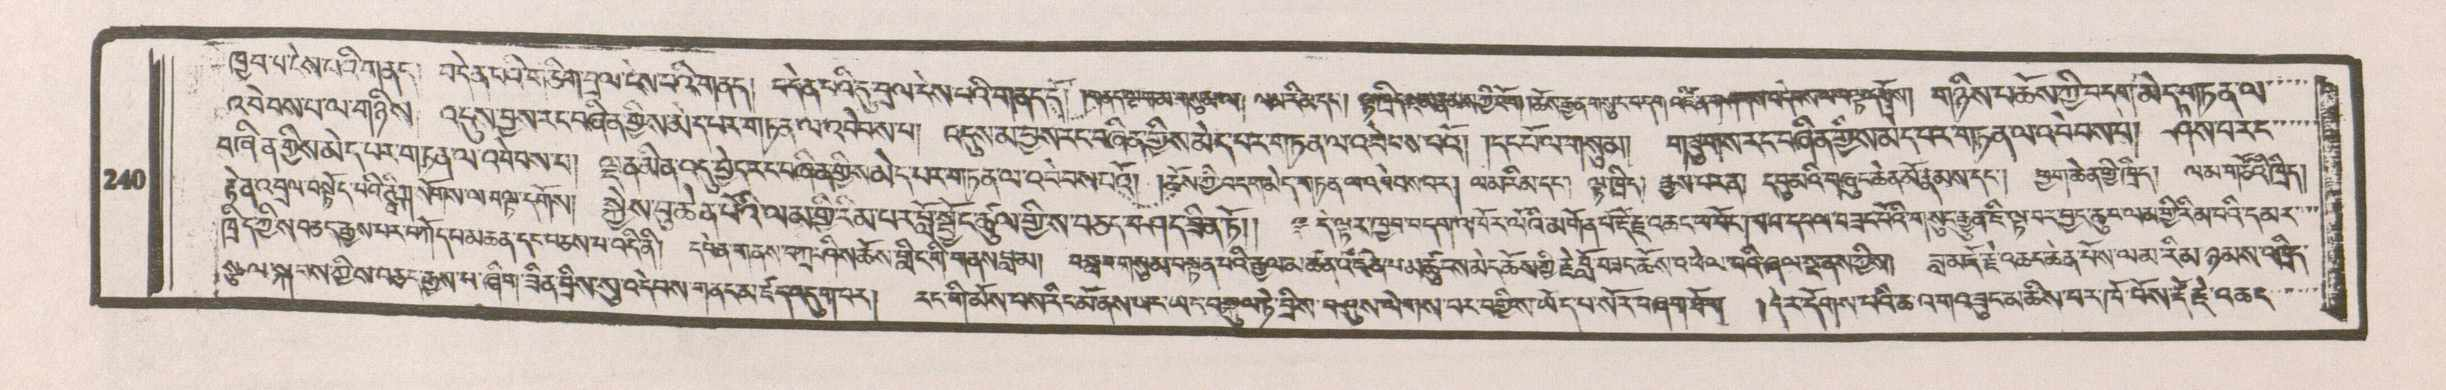ཁྱབ་པ་ངེས་པའི་གནད། བདེན་པའི་གཅིག་བྲལ་ངེས་པའི་གནད། བདེན་པའི་དུ་བྲལ་ངེས་པའི་གནད་དོ། ། གནད་ལྷག་མ་གསུམ་ལ། ལམ་རིམ་དང་། ལྟ་ཁྲིད་ལྔ་མ་རྣམས་ཀྱི་ཐོག །ཆོས་རྒྱན་གསུང་བདག་འཛིན་གཤགས་འདེབས་ལ་ད་ལྟ་དགོས།  གཉིས་པ་ཆོས་ཀྱི་བདག་མེད་གཏན་ལ་
འབེབས་པ་ལ་གཉིས། འདུས་བྱས་རང་བཞིན་གྱིས་མེད་པར་གཏན་ལ་འབེབས་པ། འདུས་མ་བྱས་རང་བཞིན་གྱིས་མེད་པར་གཏན་ལ་འབེབས་པའོ། །དང་པོ་ལ་གསུམ། གཟུགས་རང་བཞིན་གྱིས་མེད་པར་གཏན་ལ་འབེབས་པ། ཤེས་པ་རང་
བཞིན་གྱིས་མེད་པར་གཏན་ལ་འབེབས་པ། ལྡན་མིན་འདུ་བྱེད་རང་བཞིན་གྱིས་མེད་པར་གཏན་ལ་འབེབས་པའོ། ། ཆོས་ཀྱི་བདག་མེད་གཏན་ལ་འབེབས་པར། ལམ་རིམ་དང་། ལྟ་ཁྲིད། རྒྱས་པར་ན། དབུ་མའི་གཞུང་ཆེན་མོ་རྣམས་དང་། ཕྱག་ཆེན་གྱི་ཁྲིད། ལམ་གཙོའི་ཁྲིད།
རྟེན་འབྲེལ་སྟོད་པའི་ཊཱིཀྐ་སོགས་ལ་བལྟ་དོགས།  སྐྱེས་བུ་ཆེན་པོའི་ལམ་གྱི་རིམ་པར་བློ་སྦྱོང་ཚུལ་གྱི་ས་བཅད་བཤད་ཟིན་ཏོ།། ༈ དེ་ལྟར་ཁྱབ་བདག་འཁོར་ལོའི་མགོན་པོ་རྡོ་རྗེ་འཆང་ཕ་བོང་ཁ་པ་དཔལ་བཟང་པོའི་གསུང་རྒྱུན་ཇི་ལྟ་བར་བྱང་ཆུབ་ལམ་གྱི་རིམ་པའི་དམར
ཁྲིད་ཀྱི་ས་བཅད་རྒྱས་པར་བཀོད་པ་མཆན་དང་བཅས་པ་འདི་ནི། དབེན་གནས་བཀྲ་ཤིས་ཆོས་གླིང་གི་གནས་བླ་མ། བསླབ་གསུམ་བསྟན་པའི་རྒྱལ་མཚན་འཛིན་པ་མཚུངས་མེད་ཆོས་ཀྱི་རྗེ་བློ་བཟང་ཆོས་འཕེལ་བའི་ཞལ་སྔ་ནས་ཀྱིས། བླ་མ་རྡོ་རྗེ་འཆང་ཆེན་པོས་ལམ་རིམ་ཉམས་འཁྲིད
སྩལ་སྐབས་ཀྱི་ས་བཅད་རྒྱས་པ་ཞིག་ཟིན་བྲིས་སུ་འདེབས་གནང་མཛད་འདུག་པར། རང་གི་མོས་པས་རིང་མོ་ནས་ཡང་ཡང་བསྐུལ་ཏེ་བྲིས་བཤུས་ལེགས་པར་བགྱིས་ཡོད་པ་སོར་བཞག་ཐོག །དེར་དོགས་པའི་ཆ་འགའ་ཟུང་མཆིས་པར་ཁོ་བོས་རྡོ་རྗེ་འཆང